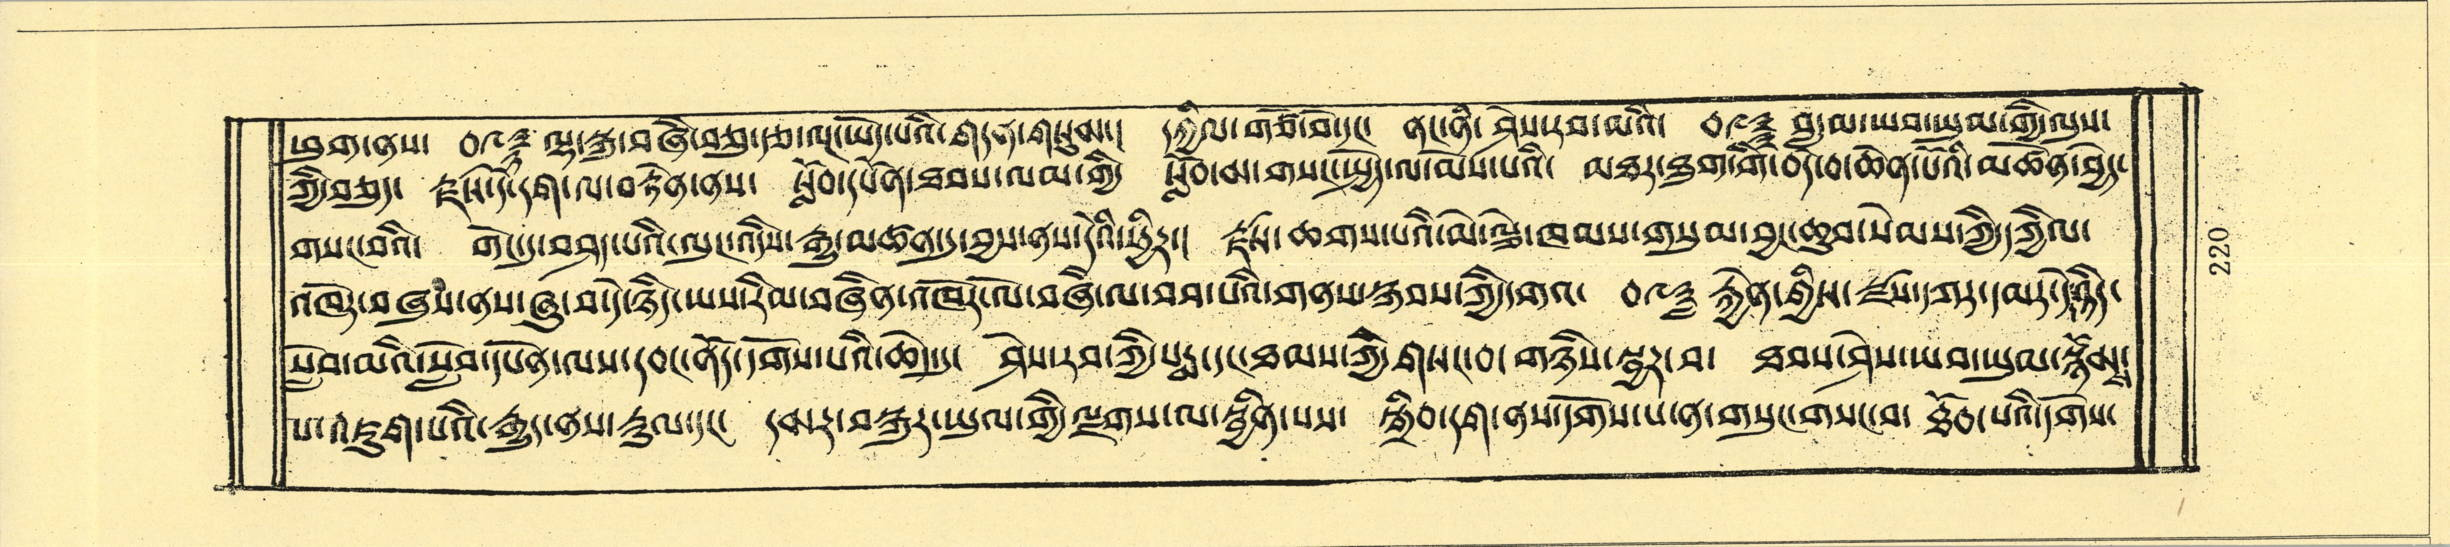ཕུག་ནས། བ༩༣།༢ ལྷ་སྐུ་བཞི་བཅུ་རྩ་ལྔ་ཡོད་པའི་ ༼གདན་གསུམ་༽ ༼དཀྱིལ་༽གཙོ་བོ་དང། ནང་ནི་ཤེས་རབ་མའི། བ༩༣།༣ བླ་མ་ཡབ་ཡུམ་གྱི་ལུས་
ཀྱི་བཅུད། ༼རྫས་དེ་དག་༽ལ་བརྟེན་ནས། ༼སློབ་དཔོན་༽ཐབས་ལམ་གྱི། ༼སློབ་མ་༽གསང་སྤྱོད་ལ་མོས་པའི། མཐར་ཐུག་གི་ ༼བདེ་བ་ཆེན་པོའི་༽མཚོན་བྱེད་
གསང་བའི། གོང་དུ་བཤད་པའི་ལུང་འདིས་རྒྱུ་མཚན་དུ་བྱས་ནས་ ༼དེའི་ཕྱིར་༽ ༼རྫས་༽ཆགས་པའི་མེ་ལྕེ་ཁམས་གསུམ་བྱང་ཆུབ་སེམས་ཀྱི་དཀྱིལ་
འཁོར་བཞུས་ནས་ ༼ཞུ་༽བ་དེ་ཉིད་ཡས་རིམ་བཞིན་འཁོར་ལོ་བཞི་ལ་བབ་པའི་གནས་སྐྱབས་ཀྱི་དགའ། བ༩༣།༤ ༼རྐྱེན་གྱིས་༽རྫས་དཀར་དམར་དེ་ཉིད་
སློབ་མའི་སློབ་དཔོན་ལས་ ༼དབང་ནོད་༽དགོས་པའི་ཆེད་དུ། ཤེས་རབ་ཀྱི་ ༼པདྨ་༽དང་ཐམས་ཀྱི་ ༼གསང་བ་༽གཉིས་ ༼སྦྱར་༽བ། ཐབས་ཤེས་ཡབ་ཡུམ་ ༼སྙོམས་
པ་འཇུག་༽པའི་རྒྱུད་ནས་རྡུལ་དང། ༼དམར་༽བསྐུར་ཡུལ་གྱི་ལྗགས་ལ་སྦྱིན་པས། ༼སྒྲིབ་དག་༽ནས་དགོས་པ་ན་གསུང་གསང་བ། ༼ཐོབ་༽པའི་དགོས་